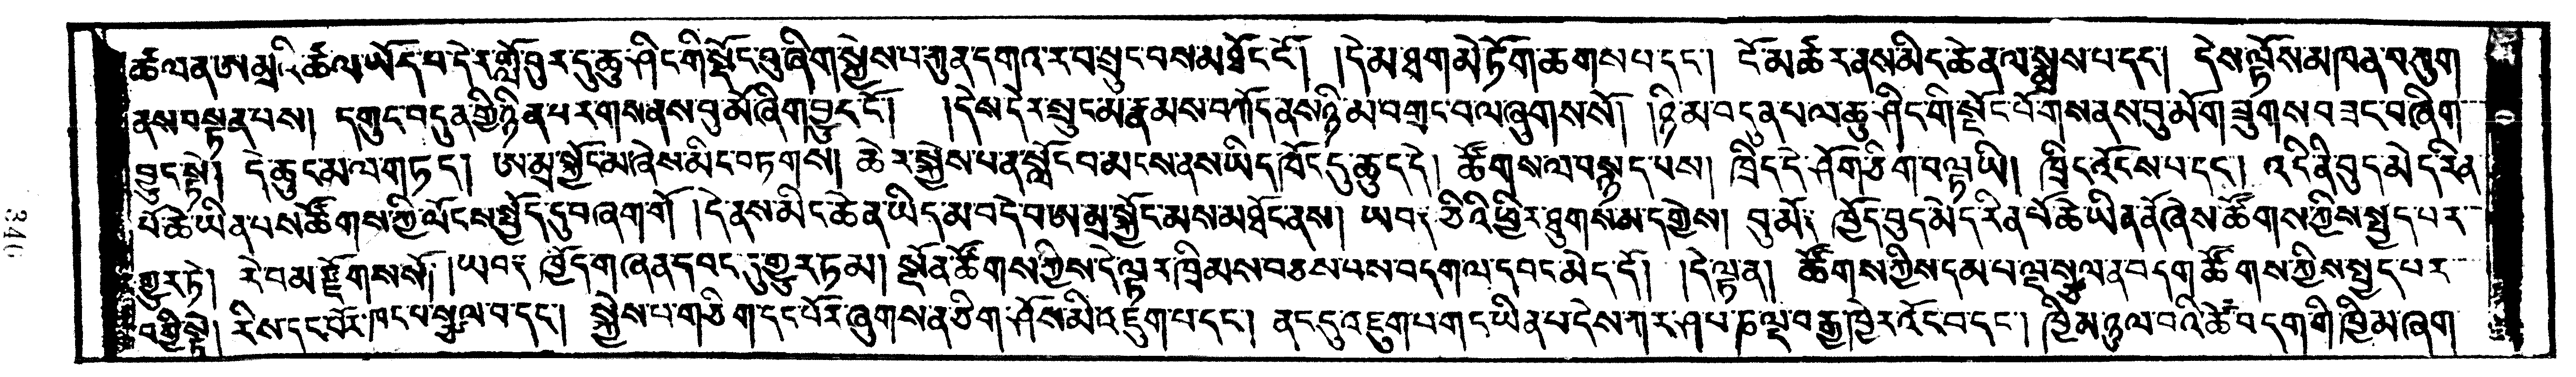ཚལ་ན་ཨ་མྲའི་ཚལ་ཡོད་པ་དེར་གློ་བུར་དུ་ཆུ་ཤིང་གི་སྡོང་བུ་ཞིག་སྐྱེས་པ་ཀུན་དགའ་ར་བ་སྲུང་བས་མཐོང་ངོ། །དེ་མ་ཐག་མེ་ཏོག་ཆགས་པ་དང་། ངོ་མཚར་ནས་མིང་ཆེན་ལ་སྨྲས་པ་དང་། དེས་ལྟོས་མཁན་བཀུག་
ནས་བསྟན་པས། དགུང་བདུན་གྱི་ཉིན་པར་གས་ནས་བུ་མོ་ཞིག་བྱུང་ངོ། །དེས་དེར་སྲུང་མ་རྣམས་བཀོད་ནས་ཉི་མ་བགྲང་བ་ལ་ཞུགས་སོ། །ཉི་མ་བདུན་པ་ལ་ཆུ་ཤིང་གི་སྡོང་པོ་གསན་ས་བུ་མོ་གཟུགས་བཟང་བ་ཞིག་
བྱུང་སྟེ། དེ་ཆུང་མ་ལ་གཏད། ཨ་མྲ་སྐྱོང་མ་ཞེས་མིང་བཏགས། ཆེར་སྐྱེས་པ་ན་སློང་བ་མངས་ནས་ཡིད་ཁོང་དུ་ཆུད་དེ། ཚོགས་ལ་བསྙད་པས། ཁྲིད་དེ་ཤོག་ཅིག་བལྟ་ཡི། ཁྲིད་འོངས་པ་དང་། འདི་ནི་བུད་མེད་རིན་
པོ་ཆེ་ཡིན་པས་ཚོགས་ཀྱི་ལོངས་སྤྱོད་དུ་བཞག་གོ །དེ་ནས་མིང་ཆེན་ཡིད་མ་བདེ་བ་ཨ་མྲ་སྐྱོང་མས་མཐོང་ནས། ཡབ༑ ཅིའི་ཕྱིར་ཐུགས་མ་དགྱེས། བུ་མོ༑ ཁྱོད་བུད་མེད་རིན་པོ་ཆེ་ཡིན་ནོ་ཞེས་ཚོགས་ཀྱིས་སྤྱད་པར་
གྱུར་ཏེ། རེ་བ་མ་རྫོགས་སོ། །ཡབ༑ ཁྱོད་གཞན་དབང་དུ་གྱུར་ཏམ། སྔོན་ཚོགས་ཀྱིས་དེ་ལྟར་ཁྲིམས་བཅས་པས་བདག་ལ་དབང་མེད་དོ། །དེ་ལྟ་ན། ཚོགས་ཀྱིས་དམ་པ་ལྔ་སྩལ་ན་བདག་ཚོགས་ཀྱིས་སྤྱད་པར་
བགྱི་སྟེ། རིས་དང་པོར་ཁང་པ་སྩལ་བ་དང་། སྐྱེས་པ་གཅིག་དང་པོར་ཞུགས་ན་ཅིག་ཤོས་མི་འཇུག་པ་དང་། ནང་དུ་འཇུག་པ་གང་ཡིན་པ་དེས་ཀར་ཤ་པ་ཎ་ལྔ་བརྒྱ་ཁྱེར་འོང་བ་དང་། ཁྱིམ་ཉུལ་བའི་ཚེ་བདག་གི་ཁྱིམ་ཞབ་